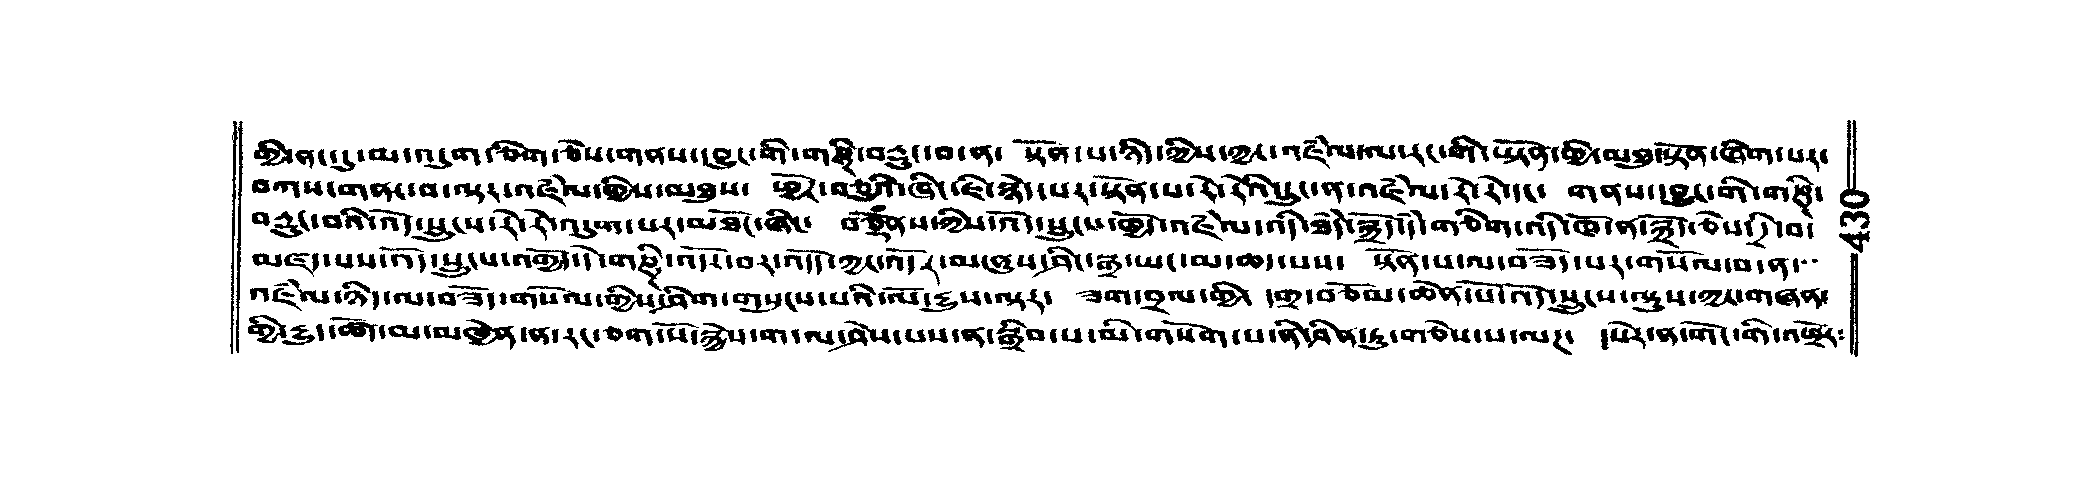གྱི་ནང་དུ་མ་འདུག་ཅིག་ཅེས་གནས་དབྱུང་གི་གཎྜི་བརྡུངས་བ་ན། སྟོན་པ་ཉིད་ཀྱིས་ཀྱང་འཇམ་དཔལ་ལ་རང་གི་ཡོན་ཏན་གྱི་མཐུ་སྟོན་ཞིག་པར་
བཀས་གནང་བ་ལྟར་འཇམ་དཔལ་གྱིས་མཐུས། ཕྱོགས་བཅུའི་ཞིང་ཇི་སྙེད་པར་སྟོན་པ་རེ་རེའི་དྲུང་ན་འཇམ་དཔལ་རེ་རེ་དང་། གནས་དབྱུང་གི་གཎྜི་
བརྡུང་བའི་འོད་སྲུངས་རེ་རེ་འདུག་པར་མཐོང་ཞིང་། བཅོམ་ལྡན་འདས་ཀྱིས་འོད་སྲུངས་ཁྱོད་འཇམ་དཔལ་འདི་ཐམས་ཅད་སྐྲོད་དམ་གཅིག་འདི་ཁོ་ན་སྐྲོད་ཅེས་དྲི་བ་
མཛད་པས་འོད་སྲུངས་འགྱོད་དེ་གཎྜི་འདོར་བར་འདོད་ཀྱང་འདོར་མ་ནུས་ཤིང་སྒྲ་ཡང་མ་ཆད་པས། སྟོན་པ་ལ་བཟོད་པར་གསོལ་བ་ན་
འཇམ་དཔལ་ཉིད་ལ་བཟོད་གསོལ་གྱིས་ཤིག་གསུངས་པའི་ལོ་རྒྱུས་ལྟར། ཟག་བྲལ་གྱི་དགྲ་བཅོམ་ཆེན་པོ་འོད་སྲུངས་ལྟ་བུས་ཀྱང་གཞན་
གྱི་རྒྱུད་ཚོད་མ་མཁྱེན་ན་རང་ཅག་སོ་སྐྱེས་ག་ལ་ཤེས་པས་ན་སྒྲིབ་པ་མི་གསོག་པ་ནི་ཤིན་ཏུ་གཅེས་པ་ལགས། དཔེར་ན་གོང་གི་འཕྲོར།